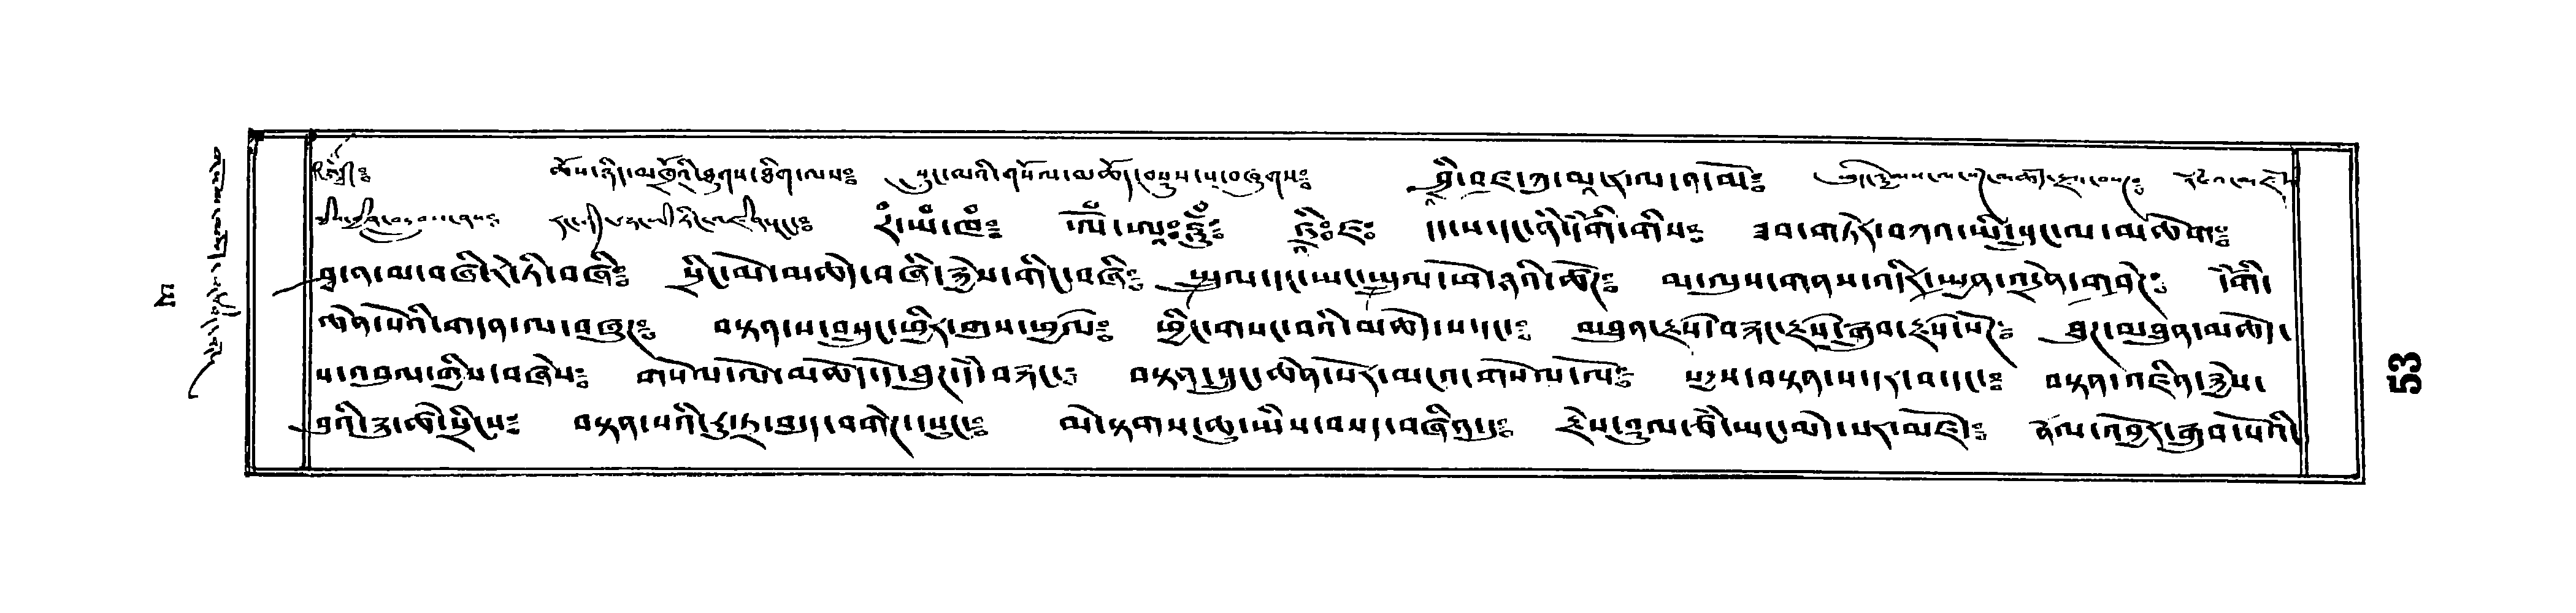ཆོས་ཉིད་མཁའ་འགྲོའི་ཐུགས་ཐིག་ལས༔ སྲུང་མའི་གསོལ་མཆོད་བསྡུས་པ་བཞུགས༔ ཤྲཱི་བཛྲ་ཀུ་མཱ་ར་ལ་ན་མོ༔ ཕུད་སྐྱེམས་ལ་སོགས་མཆོད་རྫས་བསགས༔ ནམ་མཁའ་འཛོད་
ཀྱིས་བྱིན་བརླབས་ནས༔ རང་ཉིད་ལྷ་ཡི་ཏིང་འཛིན་ངང༔ རཾ་ཡཾ་ཁཾ༔ ཨོཾ་ཨཱཿཧཱུྃ༔ ཧྲཱིཿཛཿ དད་པ་དང་ནི་དམ་ཚིག་གིས༔ ཟབ་གཏེར་བཀའ་ཡིས་སྲུང་ལ་མཆོག༔ 
ཤྭ་ན་མ་བཞི་རེ་ཏི་བཞི༔ སྲིང་མོ་མཆེད་བཞི་སྐྱེས་གིང་བཞི༔ སྤྲུལ་དང་ཡང་སྤྲུལ་ཕོ་ཉའི་ཚོགས༔ མ་ལུས་གནས་འདིར་སྤྱན་འདྲེན་གཤེགས༔ དམ་ཚིག་
ཆེན་པོའི་གདན་ལ་བཞུགས༔ བསྟན་པ་བསྲུང་ཕྱིར་གུས་ཕྱག་འཚལ༔ ཕྱི་ནང་གསང་བའི་མཆོད་པ་དང༔ མཐུན་རྫས་བསྐང་རྫས་སྒྲུབ་རྫས་སོགས༔ ཐུགས་མཐུན་མཆོད་
པ་འབུལ་གྱིས་བཞེས༔ གསོལ་ལོ་མཆོད་དོ་ཐུགས་དམ་བསྐང༔ བསྟན་སྲུང་ཆེན་པོར་མངའ་གསོལ་ལོ༔ སངས་རྒྱས་བསྟན་པ་དར་བ་དང༔ བསྟན་འཛིན་སྐྱེས་
བུའི་སྐུ་ཚེ་སྲིངས༔ བསྟན་པའི་རུ་ཏྲ་བདུད་བགེགས་དཔུང༔ མེ་སྟག་ཆུ་ཡིས་བསད་བཞིན་དུ༔ རྗེས་ཤུལ་ཙམ་ཡང་མེད་པར་མཛོད༔ རྣལ་འབྱོར་སྒྲུབ་པོའི་